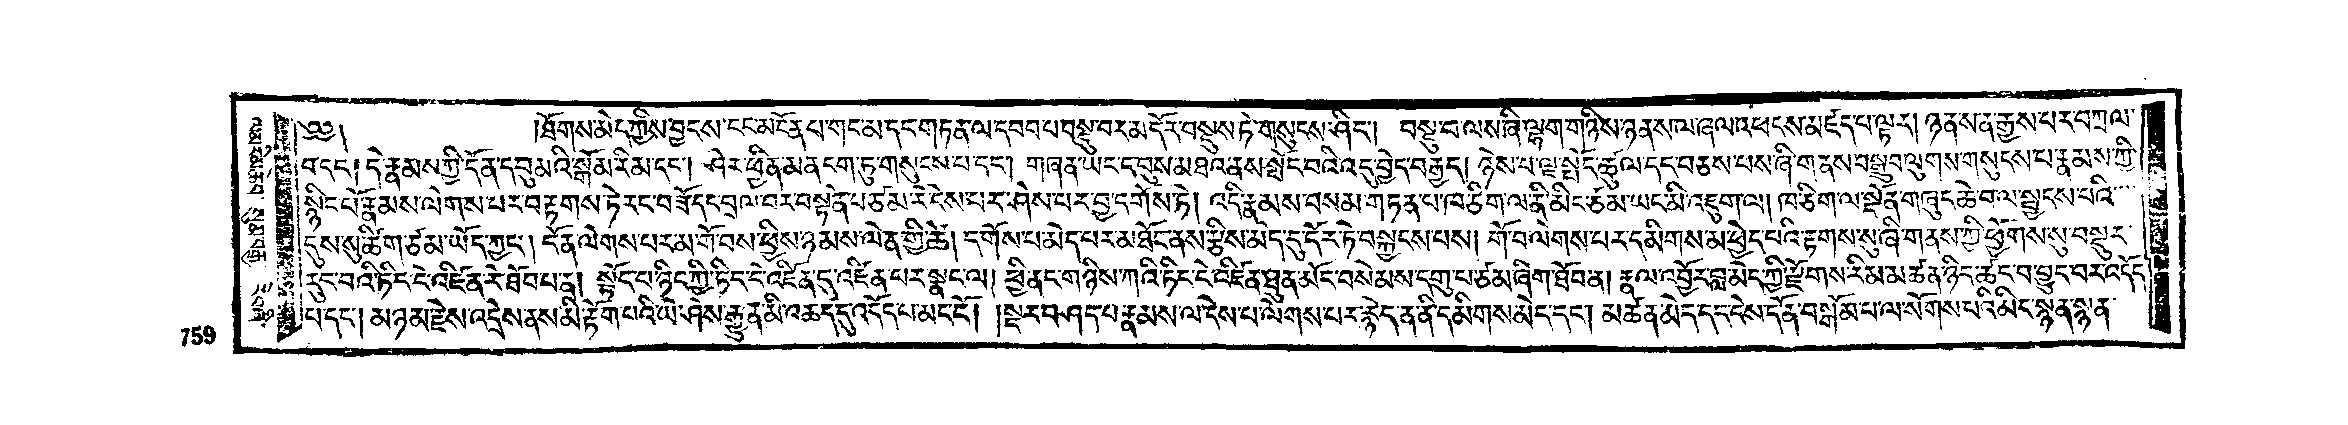༄༅། །ཐོགས་མེད་ཀྱིས་བྱང་ས་དང་མངོན་པ་གོང་མ་དང་གཏན་ལ་དབབ་པ་བསྡུ་བར་མདོར་བསྡུས་ཏེ་གསུངས་ཤིང་། བསྡུ་བ་ལས་ཞི་ལྷག་གཉིས་ཉན་ས་ལ་ཞལ་འཕངས་མཛད་པ་ལྟར། ཉན་ས་ན་རྒྱས་པར་བཀྲལ་
བ་དང་། དེ་རྣམས་ཀྱི་དོན་དབུ་མའི་སྒོམ་རིམ་དང་། ཤེར་ཕྱིན་མན་ངག་ཏུ་གསུངས་པ་དང་། གཞན་ཡང་དབུས་མཐའ་ནས་སྤོང་བའི་འདུ་བྱེད་བརྒྱད། ཉེས་པ་ལྔ་སྤོང་ཚུལ་དང་བཅས་པས་ཞི་གནས་བསྒྲུབ་ལུགས་གསུངས་པ་རྣམས་ཀྱི་
སྙིང་པོ་རྣམས་ལེགས་པར་བརྟགས་ཏེ་རང་བཟོ་དང་བྲལ་བར་བསྟེན་པ་ཙམ་རེ་ངེས་པར་ཤེས་པར་བྱ་དགོས་ཏེ། འདི་རྣམས་བསམ་གཏན་པ་ཁ་ཅིག་ལ་ནི་མིང་ཙམ་ཡང་མི་འདུག་ལ། ཁ་ཅིག་ལ་སྔོན་གཞུང་ཆེ་བ་ལ་སྦྱངས་པའི་
དུས་སུ་ཚིག་ཙམ་ཡོད་ཀྱང་། དོན་ལེགས་པར་མ་གོ་བས་ཕྱིས་ཉམས་ལེན་གྱི་ཚེ། དགོས་པ་མེད་པར་མཐོང་ནས་རྩིས་མེད་དུ་དོར་ཏེ་བསྐྱངས་པས། གོ་བ་ལེགས་པར་དམིགས་མ་ཕྱེད་པའི་རྟགས་སུ་ཞི་གནས་ཀྱི་ཕྱོགས་སུ་བསྡུར་
རུང་བའི་ཏིང་ངེ་འཛིན་རེ་ཐོབ་པ་ན། སྟོང་པ་ཉིད་ཀྱི་ཏིང་ངེ་འཛིན་དུ་འཛིན་པར་སྣང་ལ། ཕྱི་ནང་གཉིས་ཀའི་ཏིང་ངེ་འཛིན་ཐུན་མོང་བ་སེམས་དགུ་པ་ཙམ་ཞིག་ཐོབ་ན། རྣལ་འབྱོར་བླ་མེད་ཀྱི་རྫོགས་རིམ་མཚན་ཉིད་ཚང་བ་བྱུང་བར་འདོད་
པ་དང་། མཉམ་རྗེས་འདྲེས་ནས་མི་རྟོག་པའི་ཡེ་ཤེས་རྒྱུན་མི་འཆད་དུ་འདོད་པ་མང་ངོ། །སྔར་བཤད་པ་རྣམས་ལ་ངེས་པ་ལེགས་པར་རྙེད་ན་ནི་དམིགས་མེད་དང་། མཚན་མེད་དང་ངེས་དོན་བསྒོམ་པ་ལ་སོགས་པའི་མིང་སྙན་སྙན་